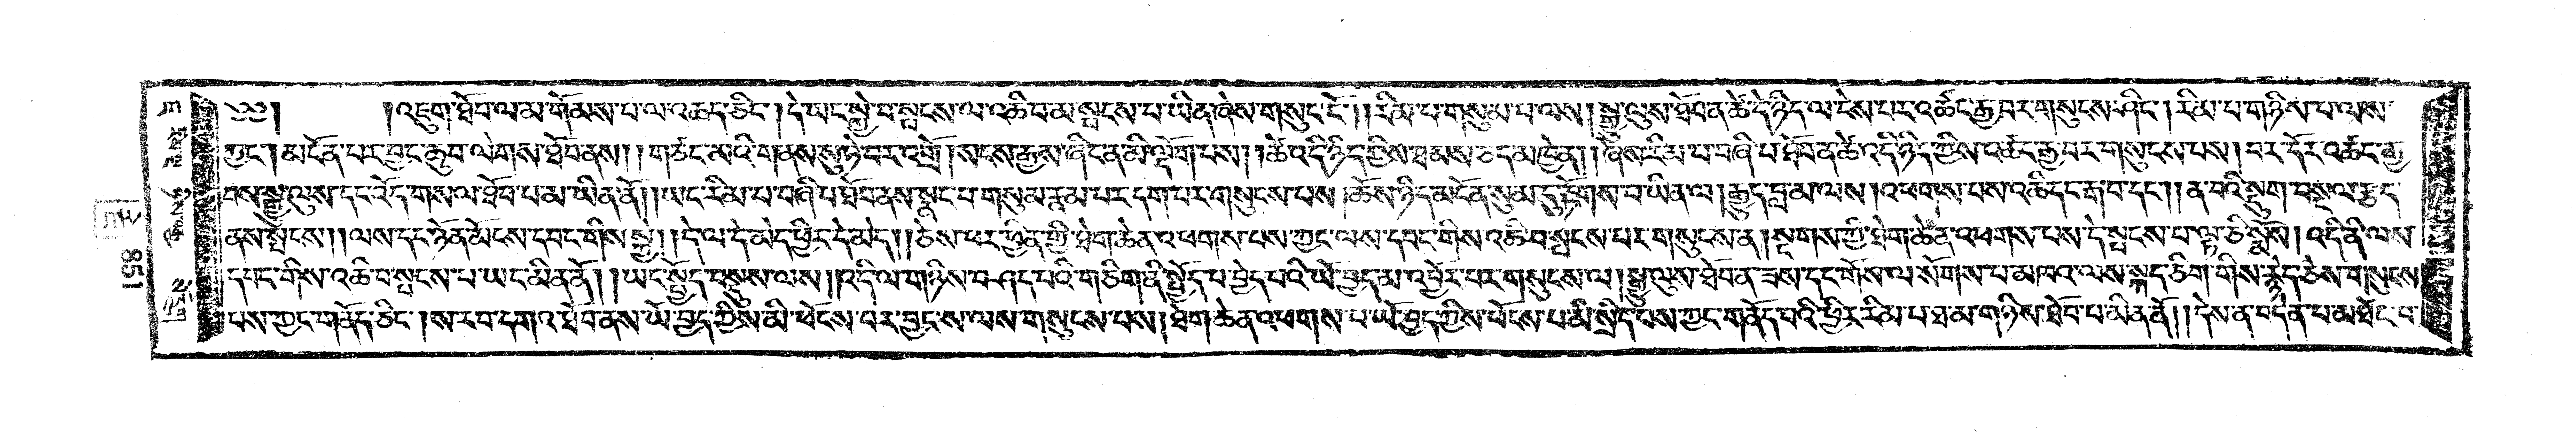༄༅། །འཇུག་ཐོབ་ལམ་གོམས་པ་ལ་འཆད་ཅིང་། དེ་ཡང་སྐྱེ་བ་སྤངས་ལ་འཆི་བ་མ་སྤངས་པ་ཡིན་ཞེས་གསུང་ངོ། །རིམ་པ་གསུམ་པ་ལས། སྒྱུ་ལུས་ཐོབ་ན་ཚེ་དེ་ཉིད་ལ་ངེས་པར་འཚང་རྒྱ་བར་གསུངས་ཤིང་། རིམ་པ་གཉིས་པ་ལས་
ཀྱང་། མངོན་པར་བྱང་ཆུབ་ལེགས་ཐོབ་ནས། །གཙང་མའི་གནས་སུ་ཉེ་བར་འགྲོ་།སངས་རྒྱས་ཞིང་ན་མི་ལྡོག་པས། །ཚེ་འདི་ཉིད་ཀྱིས་ཐམས་ཅད་མཁྱེན། །ཞེས་རིམ་པ་བཞི་པ་ཐོབ་ན་ཚ་འདི་ཉིད་ཀྱིས་འཚང་རྒྱ་བར་གསུངས་པས། བར་དོར་འཚང་རྒྱ་
བས་སྒྱུ་ལུས་དང་འོད་གསལ་ཐོབ་པ་མ་ཡིན་ནོ། །ཡང་རིམ་པ་བཞི་པ་ཐོབ་ནས་སྣང་བ་གསུམ་རྣམ་པར་དག་པར་གསུངས་པས། ཆོས་ཉིད་མངོན་སུམ་དུ་རྟོགས་པ་ཡིན་ལ། རྒྱུད་བླ་མ་ལས། འཕགས་པས་འཆི་དང་རྒ་བ་དང་། །ན་བའི་སྡུག་བསྔལ་རྩད་
ནས་སྤངས། །ལས་དང་ཉོན་མོངས་དབང་གིས་སྐྱེ། །དེ་ལ་དེ་མེད་ཕྱིར་དེ་མེད། །ཅེས་ཕར་ཕྱིན་གྱི་ཐེག་ཆེན་འཕགས་པས་ཀྱང་ལས་དབང་གིས་འཆི་བ་སྤངས་པར་གསུངས་ན། སྔགས་ཀྱི་ཐེག་ཆེན་འཕགས་པས་དེ་སྤངས་པ་ལྟ་ཅི་སྨོས། འདི་ནི་ལས་
དབང་གིས་འཆི་བ་སྤངས་པ་ཡང་མིན་ནོ། །ཡང་སྤྱོད་བསྡུས་ལས། འདི་ལ་གཉིས་བཤད་པའི་གཅིག་ནི་སྤྱོད་པ་བྱེད་པའི་ཡོ་བྱད་མ་འབྱོར་བར་གསུངས་ལ། སྒྱུ་ལུས་ཐོབ་པ་ན་ཟས་དང་གོས་ལ་སོགས་པ་མཁའ་ལས་སྐད་ཅིག་གིས་རྙེད་ཅེས་གསུངས་
པས་ཀྱང་གནོད་ཅིང་། ས་རབ་དགའ་ཐོབ་ནས་ཡོ་བྱད་ཀྱིས་མི་ཕོངས་པར་བྱང་ས་ལས་གསུངས་པས། ཐེག་ཆེན་འཕགས་པ་ཡོ་བྱད་ཀྱིས་ཕོངས་པ་མི་སྲིད་པས་ཀྱང་གནོད་པའི་ཕྱིར་རིམ་པ་ཐ་མ་གཉིས་ཐོབ་པ་མིན་ནོ། །དེས་ན་བདེན་པ་མཐོང་བ་